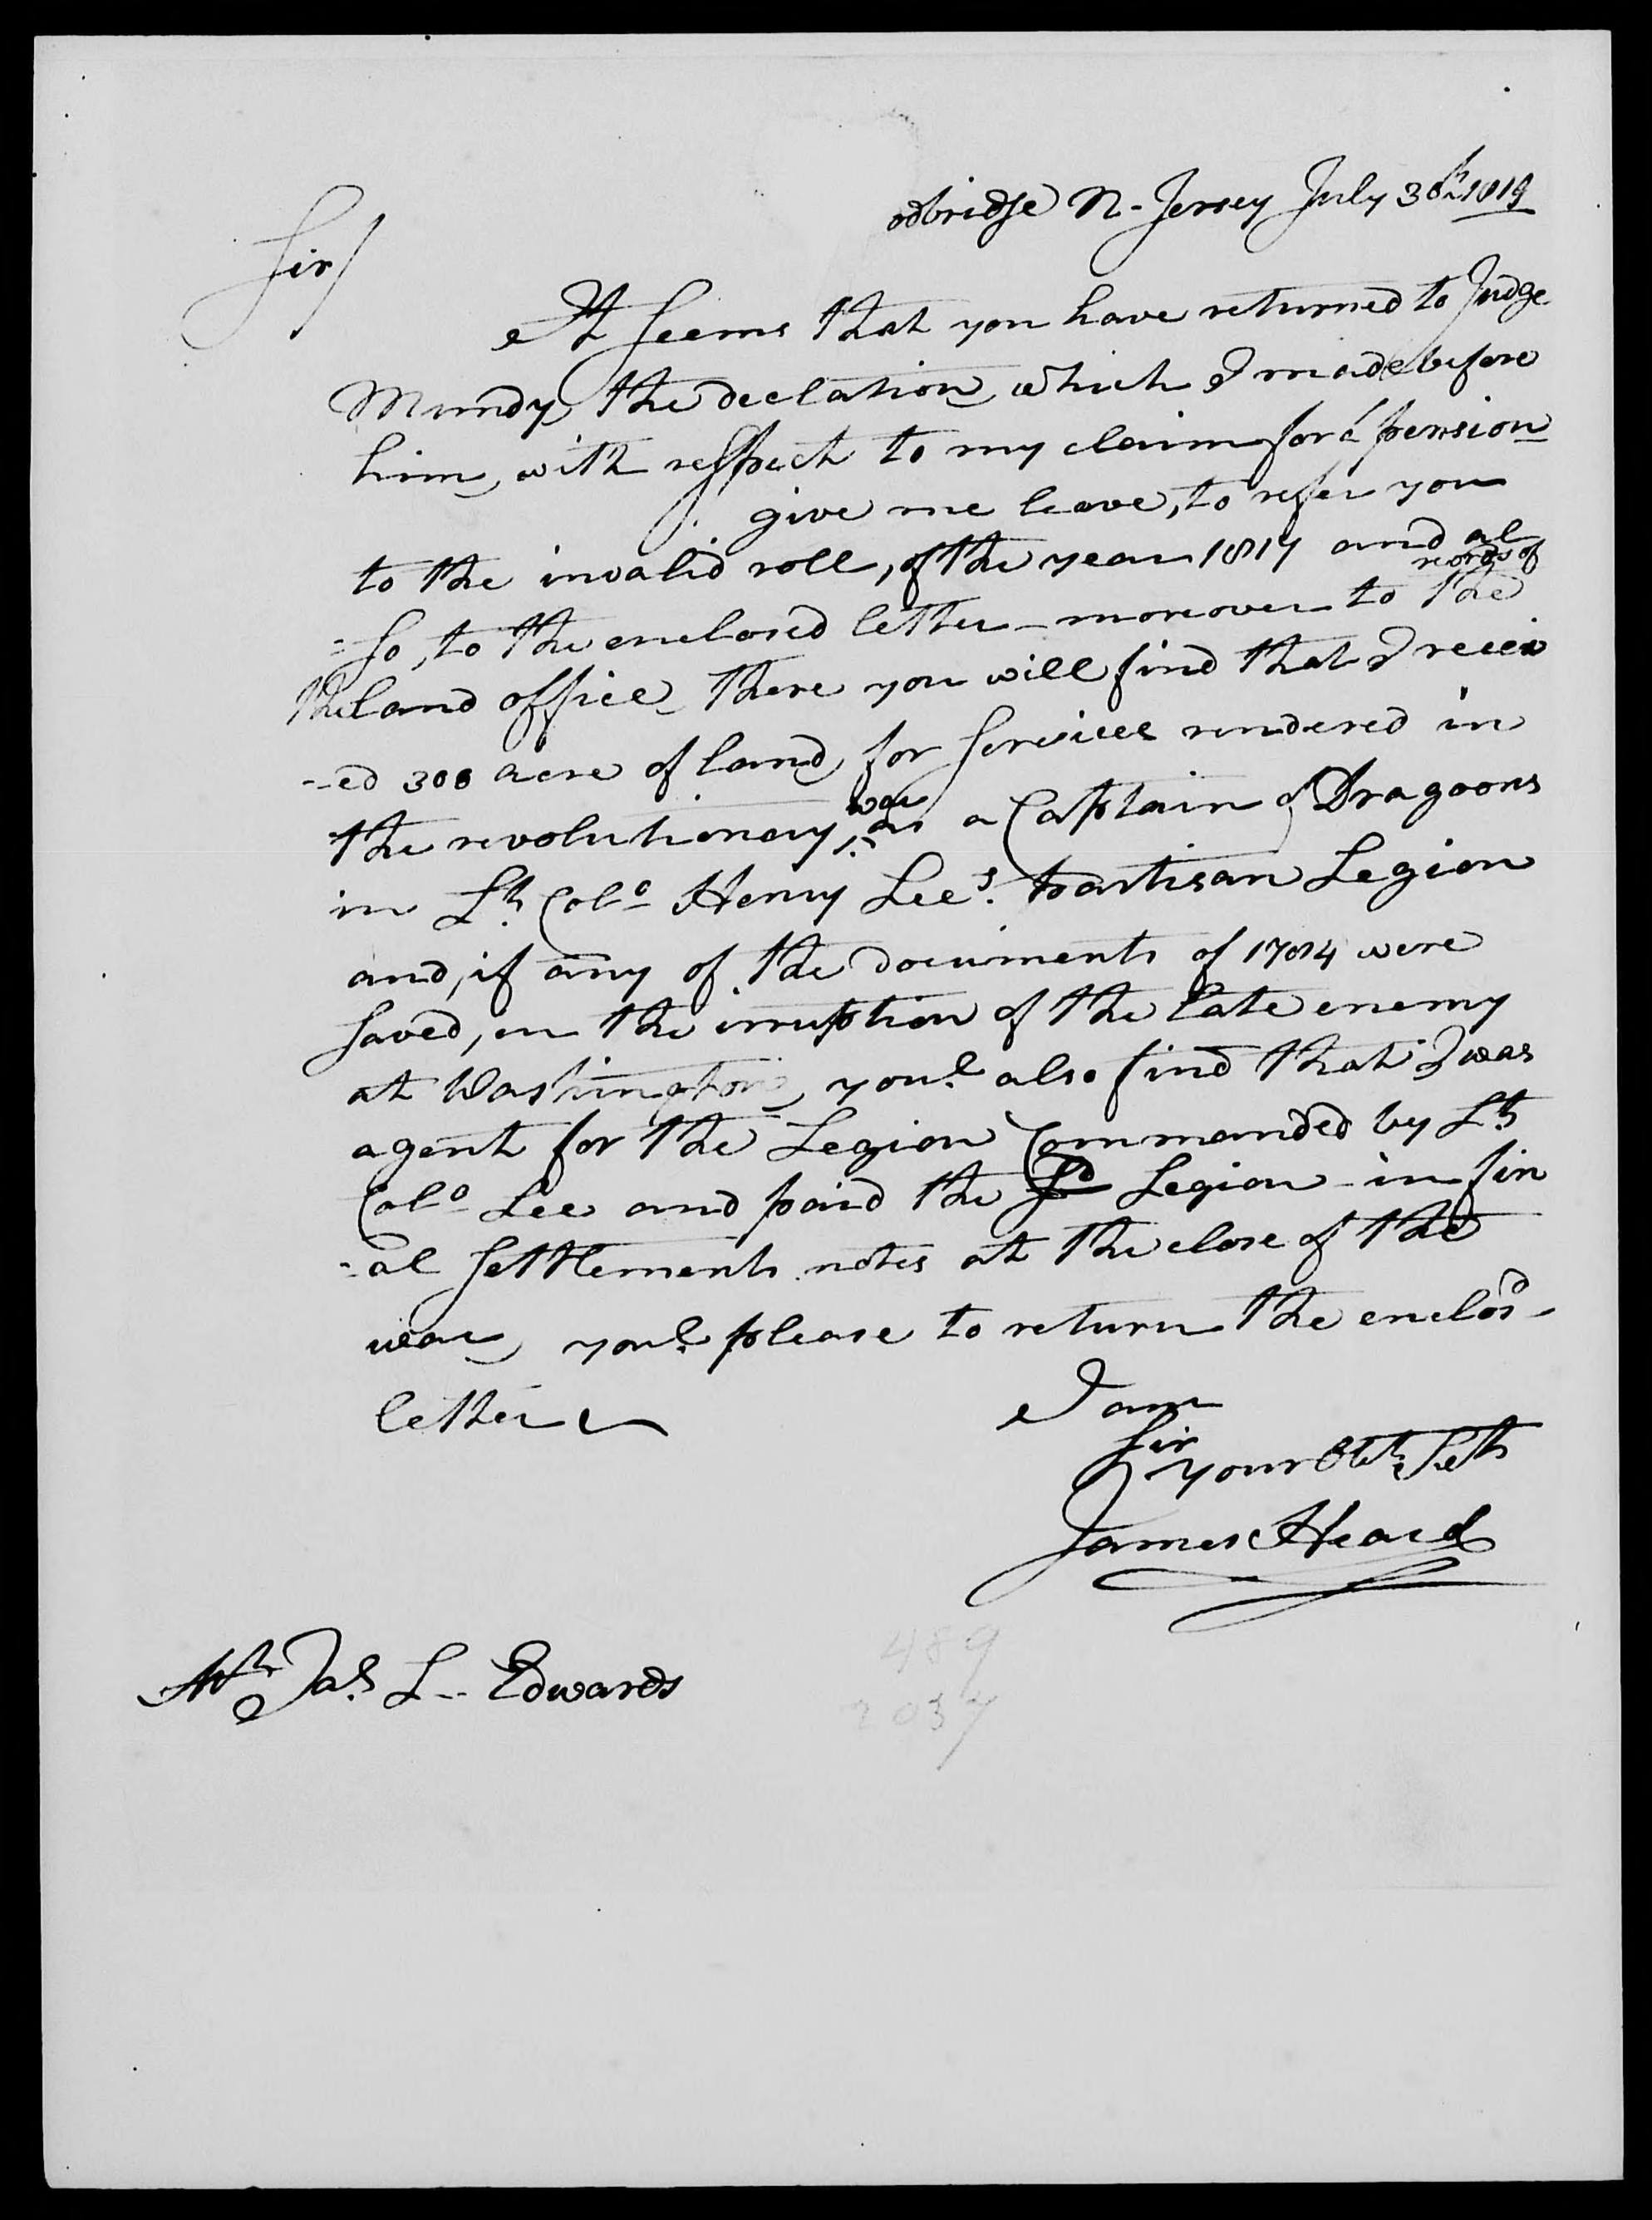Woodbridge, New Jersey July 30th, 1819

Sir,

It seems you have returned to Judge Mundy the declaration which I made before him, with effect to my claim for a pension. Give me time, to refer you to the invalid roll, of the year 1814, and to the enclosed letter moreover to the words of the land office. Here, you will find that I received 300 acres of land for service in the Revolutionary War as a Captain of dragoons in Lt. Col. Henry’s Legion and, if the documents of 1784 were saved, [Illegible] you will find that I was fought for the Legion commanded by Lt. Col. Lee and joined the Legion in final settlement notes at the close of the war, and to please return the enclosed letter.

I am, sir, your most obedient servant,
James Heard

J. L. Edwards, Esq.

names: Henry Lee, Mundy, James Heard, Jas L Edwards, Lee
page: 49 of 62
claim: survivor's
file: S. 540, James Heard, Continental - New Jersey Residence In 1818